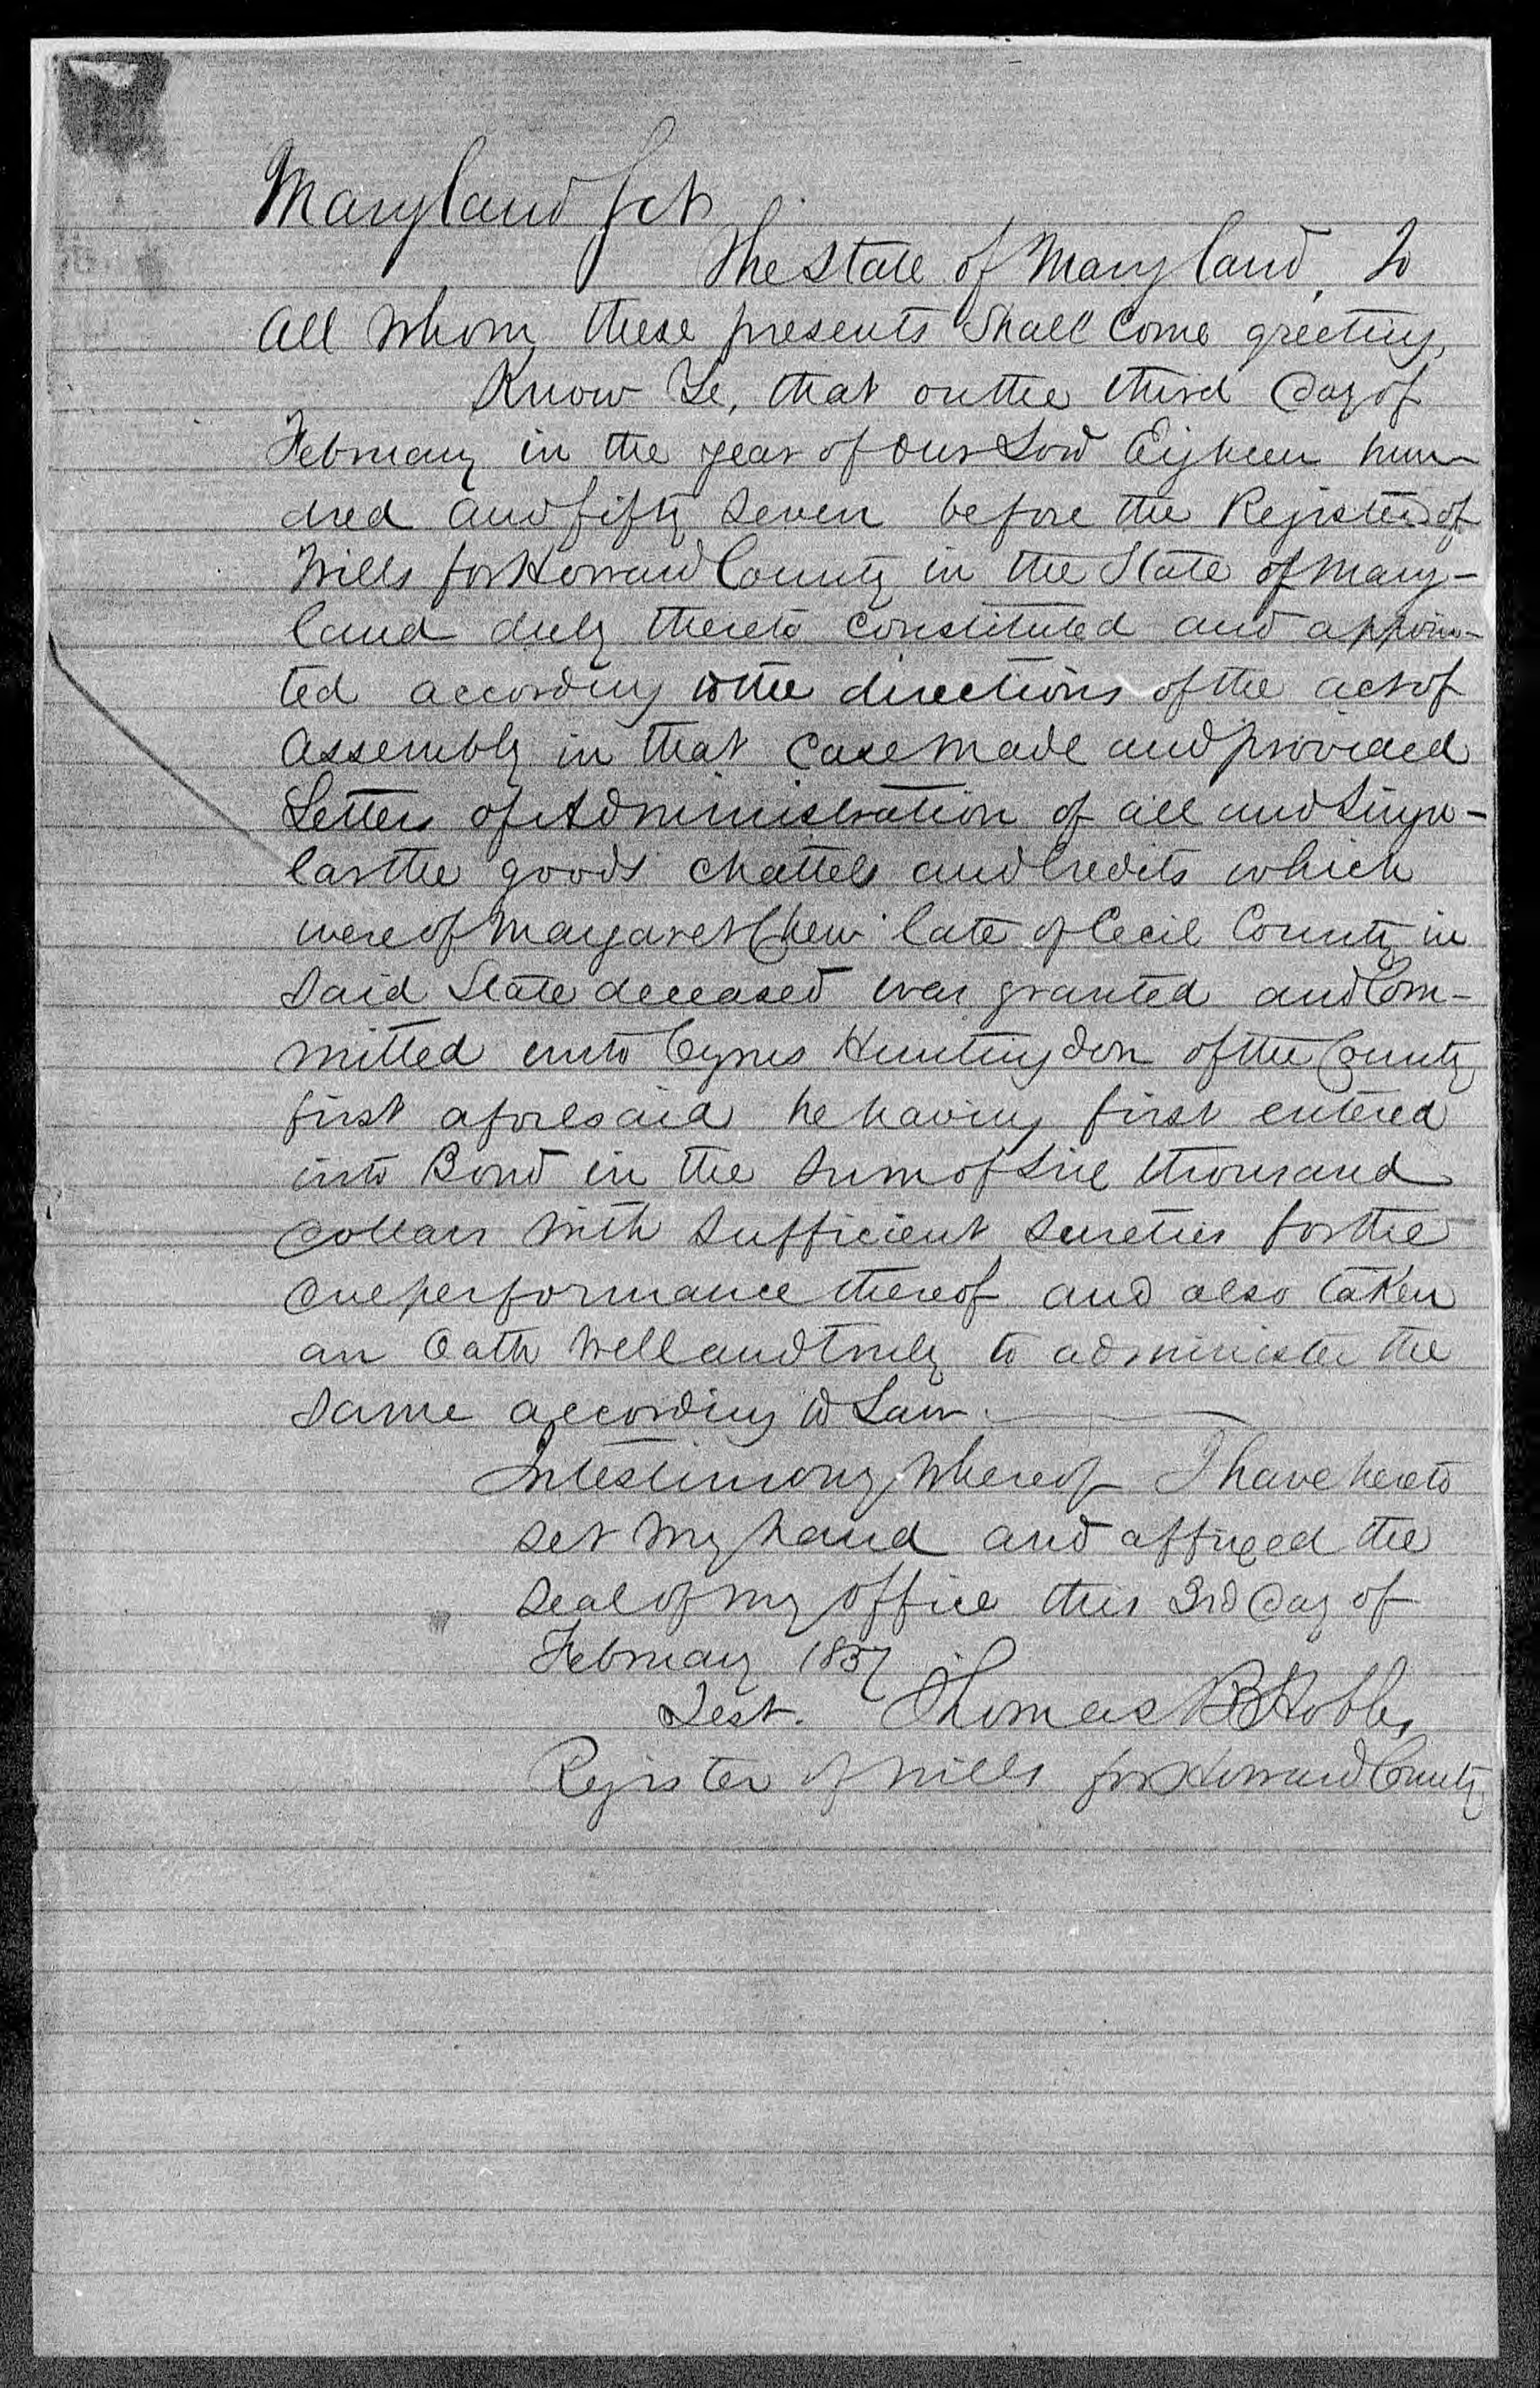Maryland Sct

The State of Maryland, to
all whom these presents shall come greeting,

Know Ye that on the third day of
February in the year of our Lord Eighteen hun-
dred and fifty seven before the Register of
Wills for Howard County in the State of Mary-
land duly thereto constituted and appoin-
ted according to the directions of the act of
assembly in that case made and provided
Letters of Administration of all [illegible]
[illegible] goods chattels and credits which
were of Margaret Chew late of Cecil County in
said State deceased was granted and Com-
mitted unto Cyrus Huntingdon of the County
first aforesaid he having first entered
into Bond in the sum of One thousand
dollars with sufficient sureties for the
due performance thereof and also taken
an oath well and truly to administer the 
same according to Law.

In testimony whereof I have hereto
set my hand and affixed the
seal of my office this 3rd day of
February 1857

Test. Thomas B Hobbs
Register of Wills for Howard County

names: Margaret Chew, Thomas B Hobbs, Cyrus Huntingdon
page: 56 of 59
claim: widow's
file: W. 9383, Nathaniel Chew, Navy (Md.)